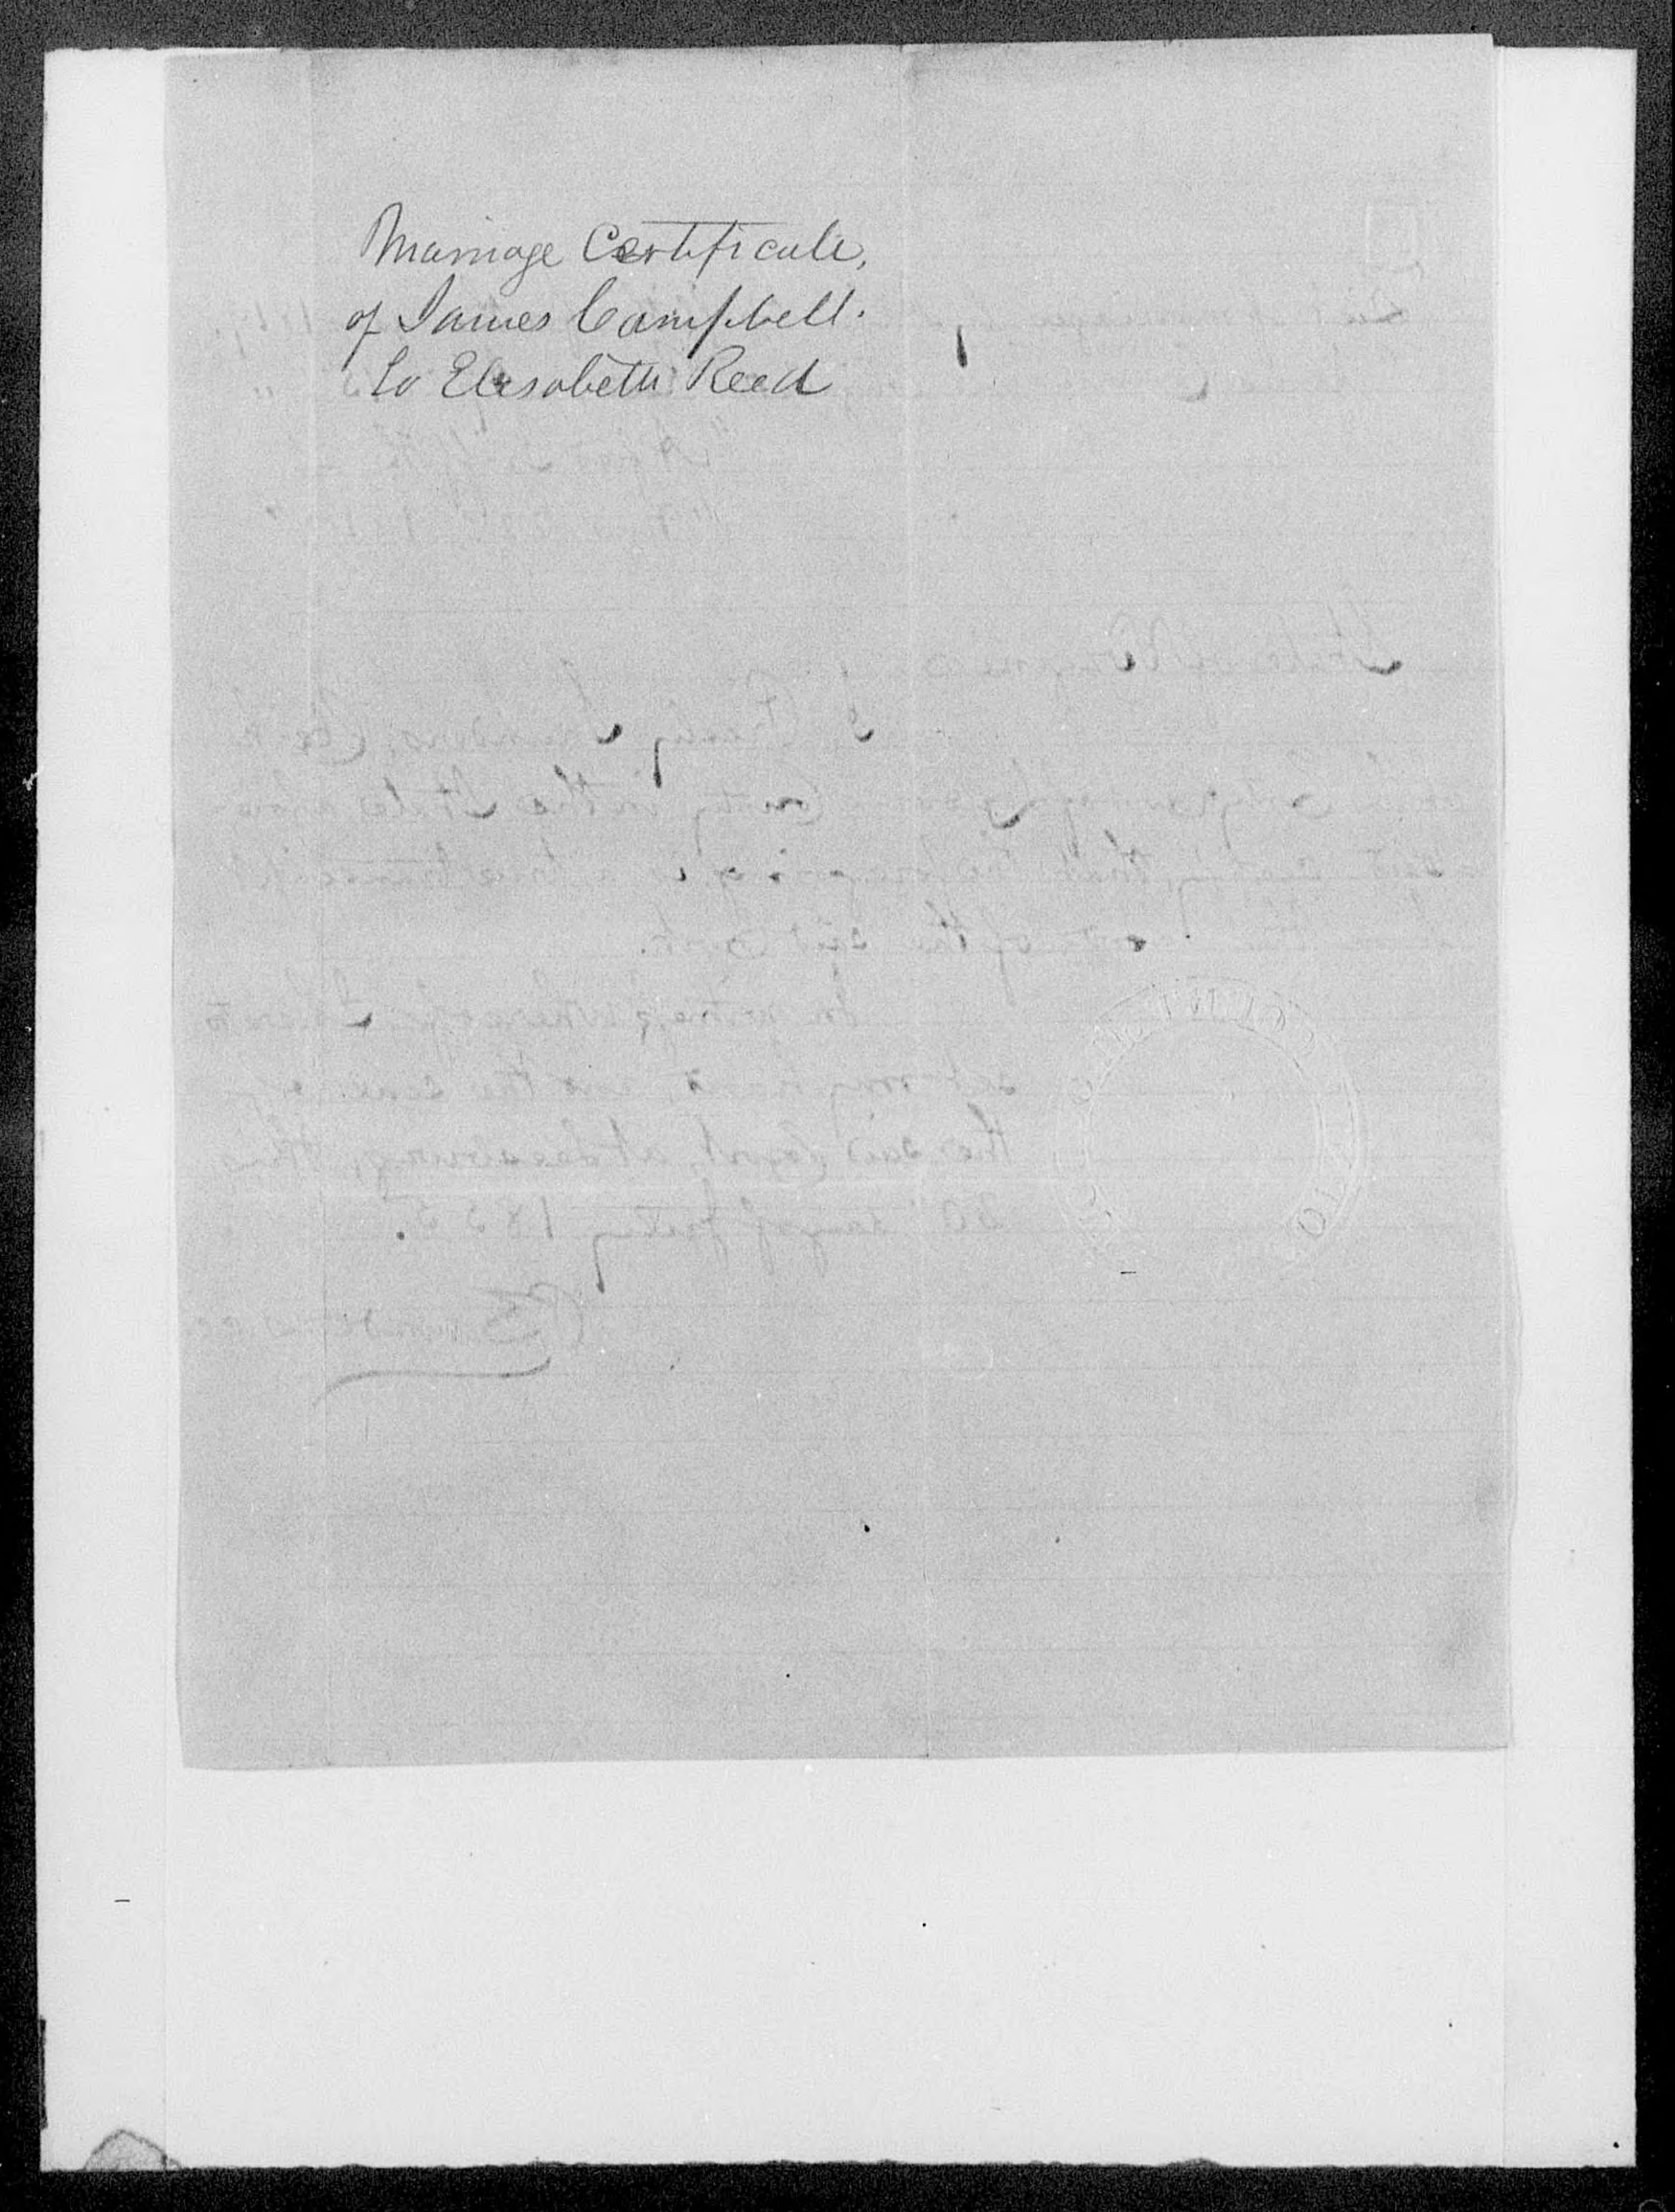Marriage Certificate of James Campbell. to Elisabeth Reed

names: Elisabeth Reed, James Campbell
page: 8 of 47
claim: widow's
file: W. 25384, James Campbell, Va.